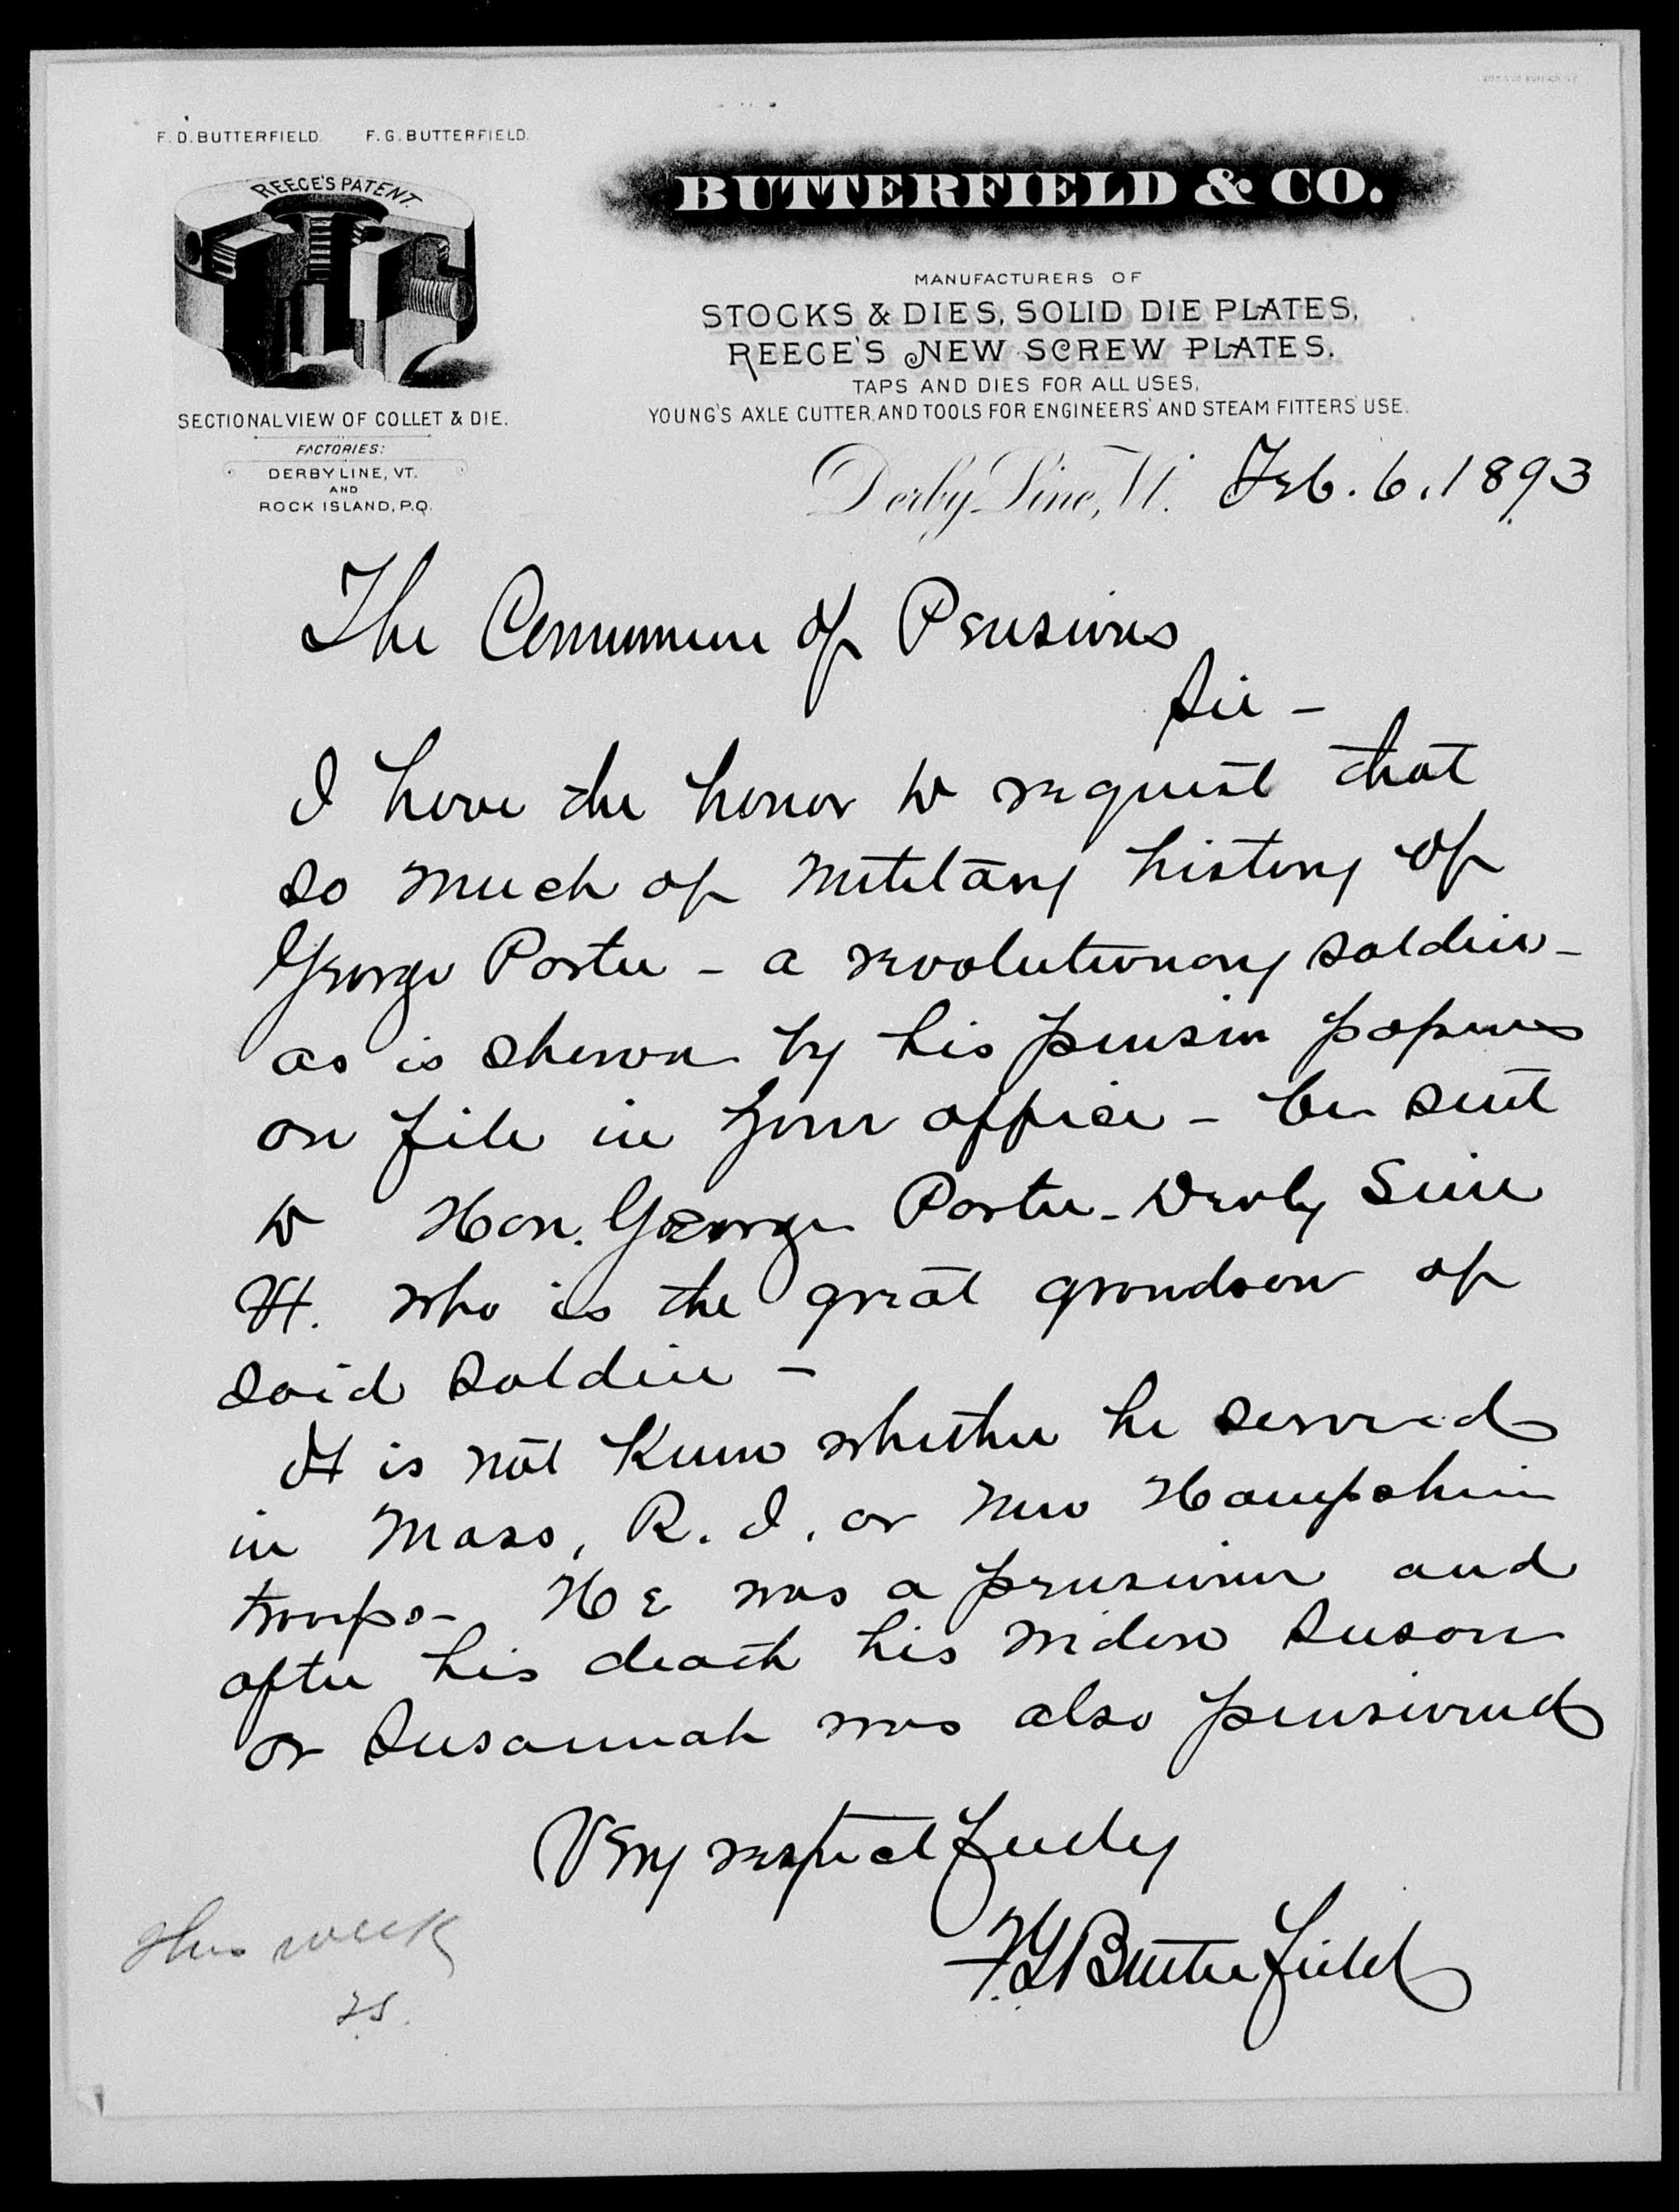F. D. BUTTERFIELD  F. G. BUTTERFIELD
REECE'S PATENT
SECTIONAL VIEW OF COLLET & DIE.
FACTORIES:
DERBYLINE, VT AND ROCK ISLAND, P.Q.

BUTTERFIELD & CO.
MANUFACTURERS OF
STOCKS & DIES, SOLID DIE PLATES
REECE'S NEW SCREW PLATES.
TAPS AND DIES FOR ALL USES.
YOUNT'S AXLE CUTTER AND TOOLS FOR ENGINEERS' AND STEAM FITTERS' USE

Derby Line, Vt. Feb. 6, 1893.

The Commissioner of Pensions

Sir-
I have the honor to request that so much of military history of George Porter - a revolutionary soldier as is shown by his pension papers on file in your office - be sent to
Hon. George Porter Derby Line Vt. who is the great grandson of
said soldier.
It is not known whether he served
in Mass, R. I. or New Hampshire troops. He was a pensioner and
after his death his widow Suson
or Susannah was also pensioned
Very respectfully
F. G. Butterfield

this week J.S.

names: Suson [BLANK]; George Porter; F D Butterfield; Susannah [BLANK]; F G Butterfield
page: 36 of 49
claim: widow's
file: W. 2164, for George Porter, Massachusetts